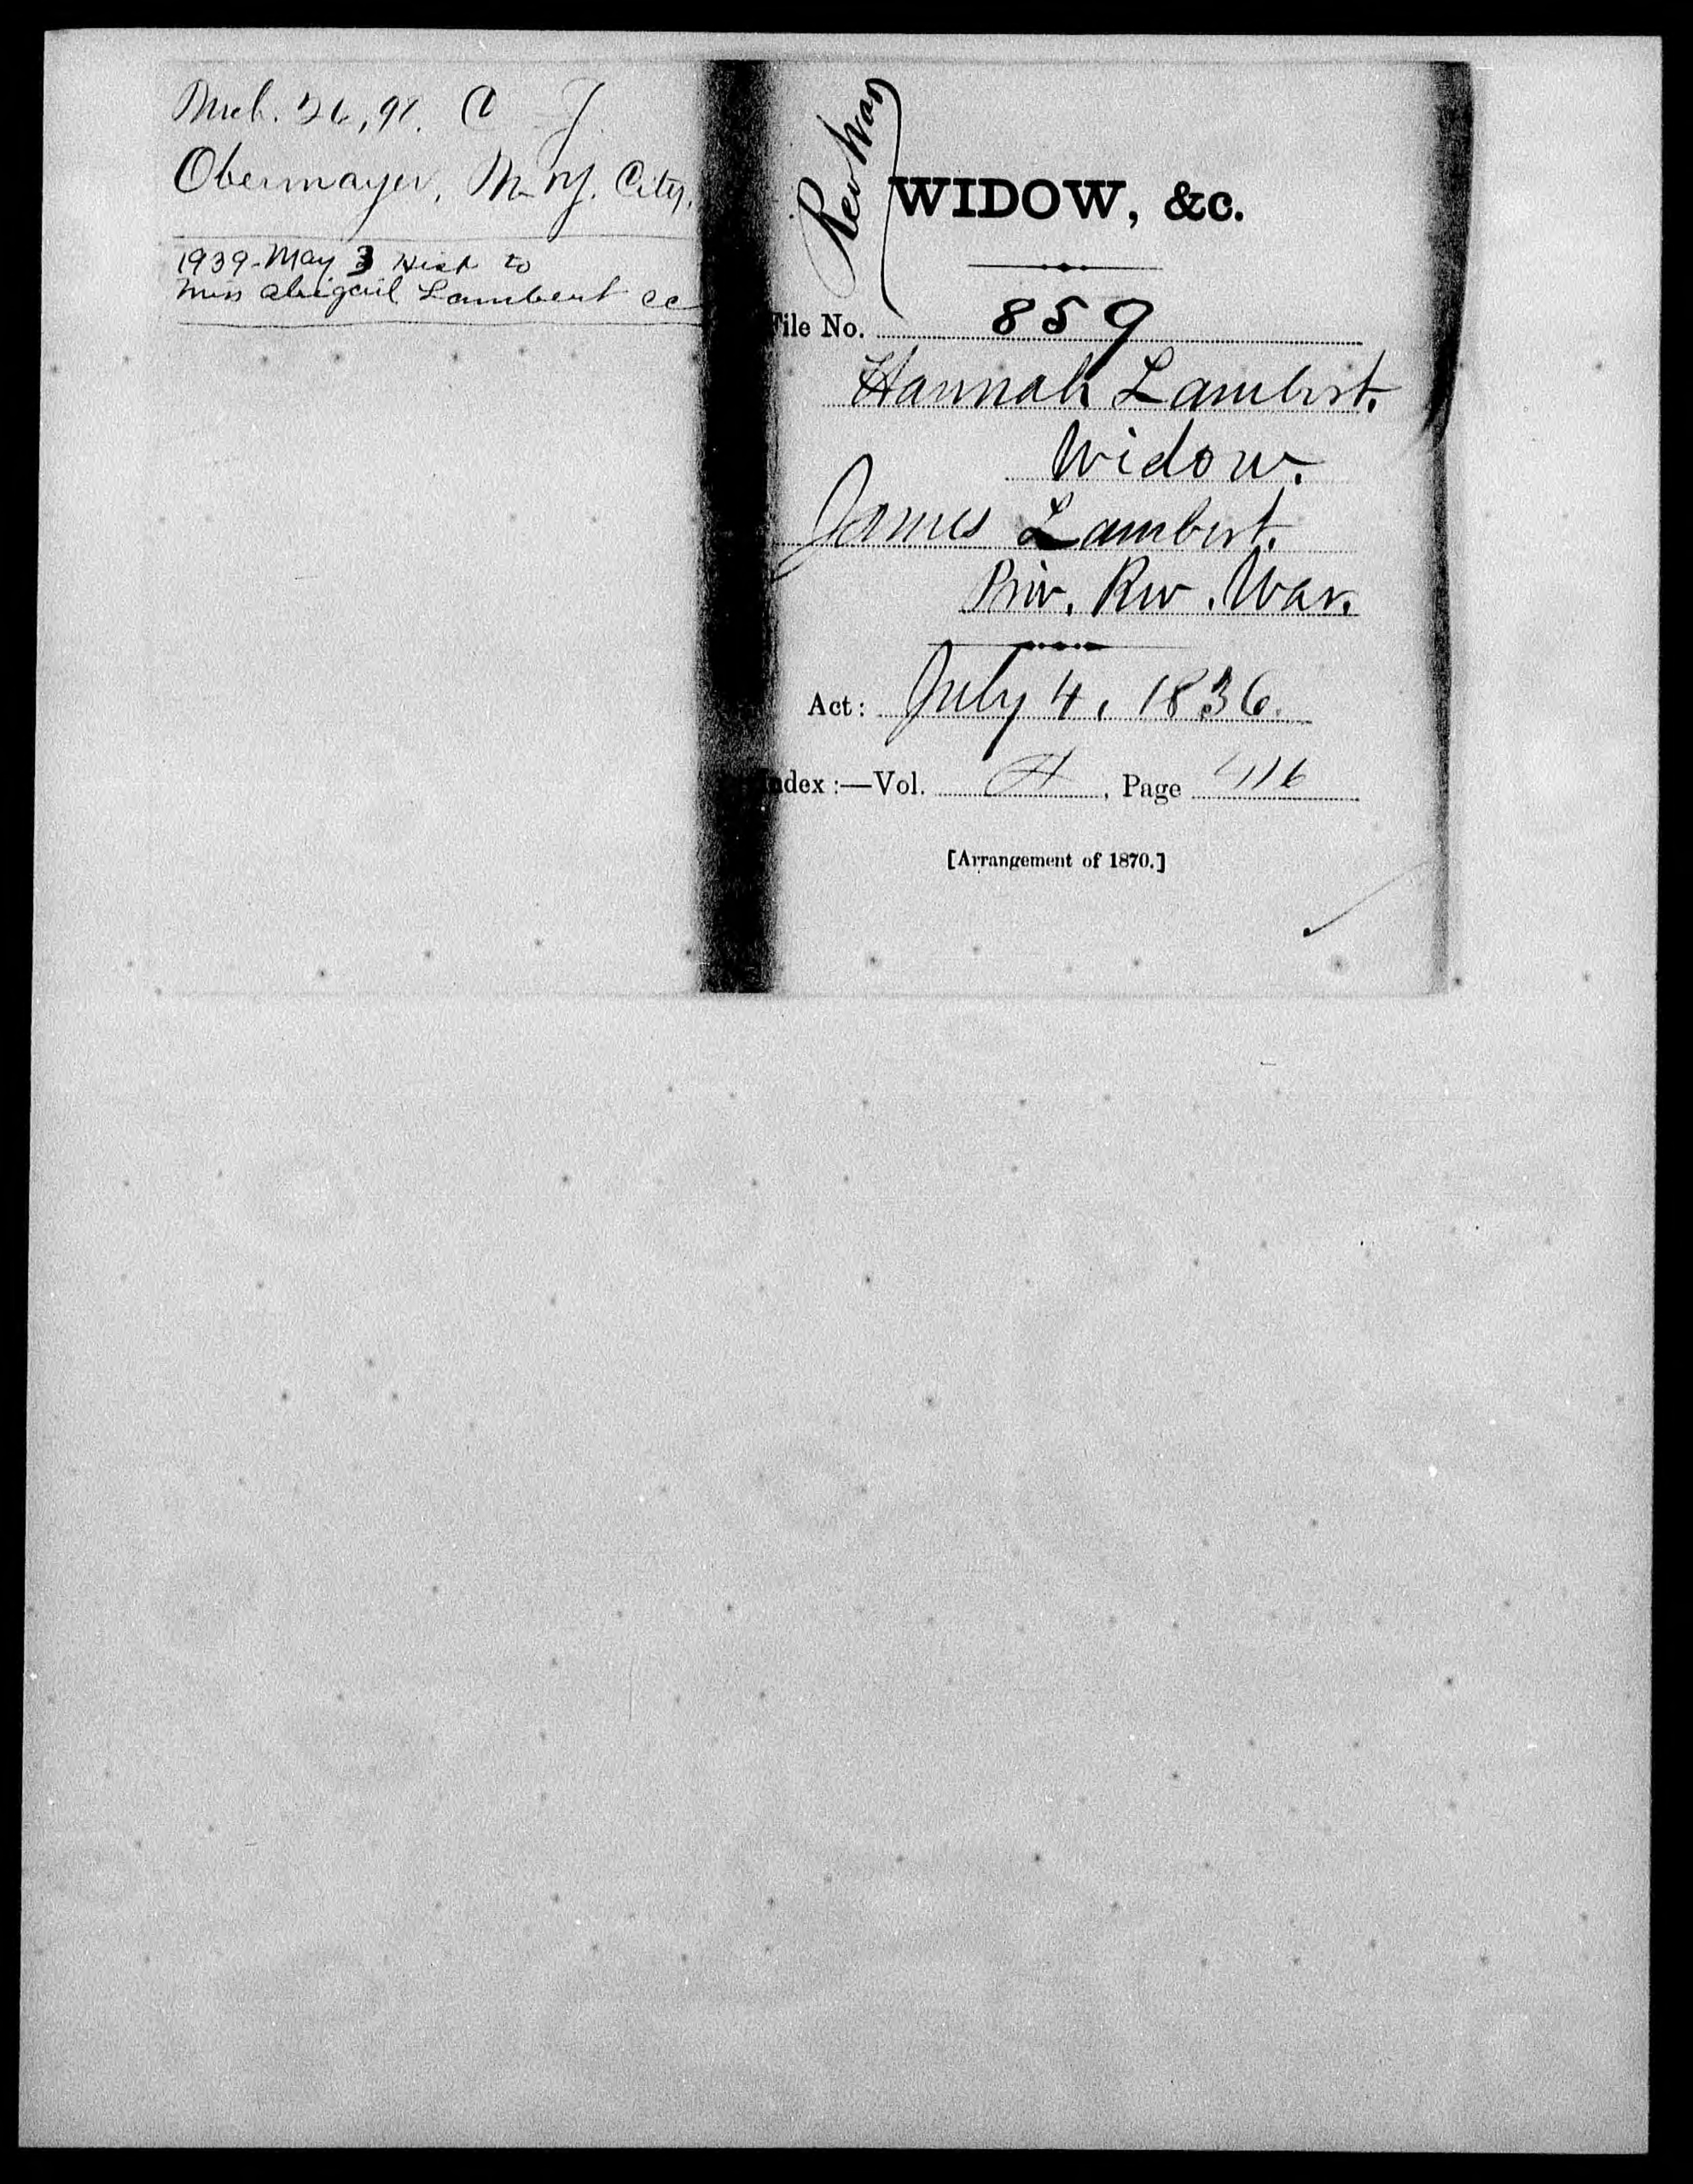Mch 26, 91 C J
Obermayer, M. Y.. City,
1939 - May 3 Hist to
Miss Abigail Lambert cc

WIDOW. & c.
Rev War
File No. 859
Hannah Lambert
Widow
James Lambert
Priv. Rev. War.
Act: July 4, 1836.

Index: -- Vol. H, Page 416
[Arrangement of 1870.]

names: C J Obermayer; James Lambert; Abigail Lambert; Hannah Lambert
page: 32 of 49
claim: widow's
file: W. 859, for James Lambert, New Jersey